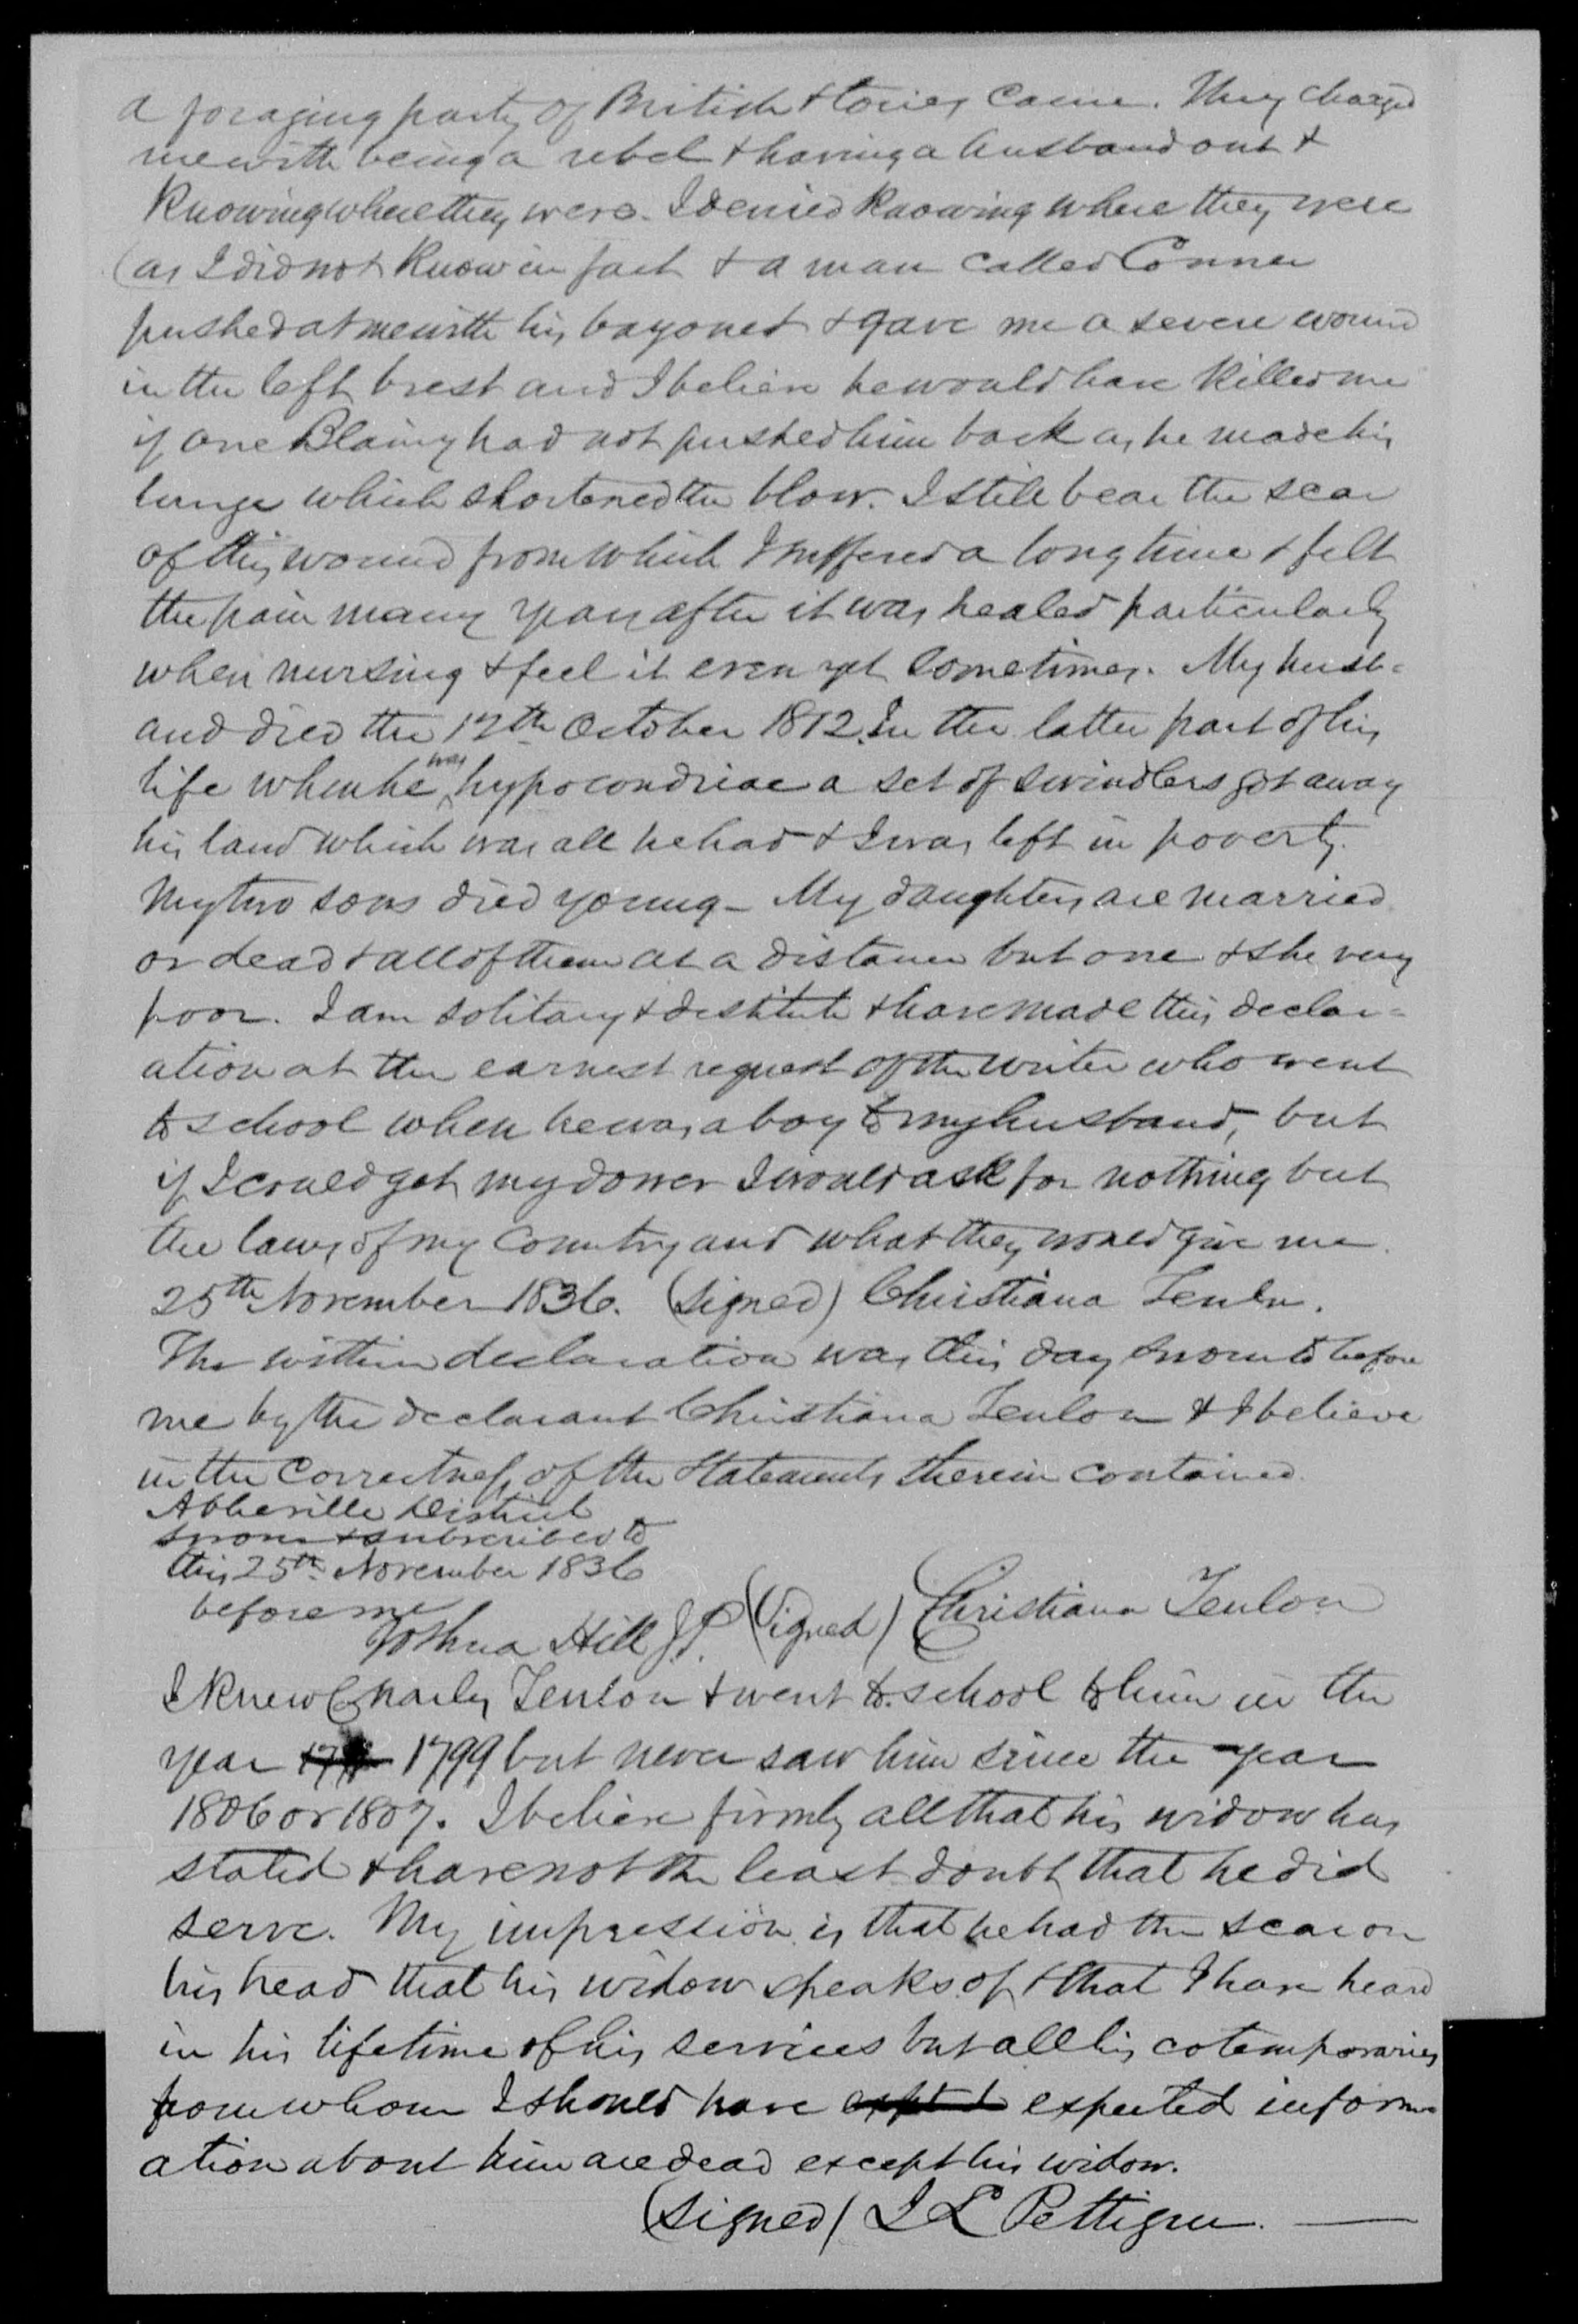a foraging party of British Tories came. They charged me with being a rebel & having a husband out & knowing where they were. I denied knowing where they were (as I did not know in fact & a man called Conner rushed at me with his bayonet  & gave me a severe wound in the left brest (sic) and I believe he would have killed me if one Blainey had not rushed him back as he made his lunge which shortened the blow. I still bear the scar of this wound from which I suffered a long time & felt the pain many years after it was healed particularly when nursing I feel it even yet sometimes. My husb-and died the 17th October 1812. In the latter part of his life when he was hypocondriac (sic) a set of swindlers got away his land which was all he had & I was left in poverty. My two sons died young - My daughter are married or dead & all of them at a distance but one & she very poor. I am solitary & destitute & have made this  declar-ation at the earnest request of the writer who went to school when he was a boy to my husband, but if I could get my  ( illegible) I would ask for nothing but the laws of my country and what they would give me. 25th November 1836. (Signed) Christiana Teulon. This written declaration was this day( illegible) before me by the declarant Christiana Teulon & I believe in the correctness of the statements therein contained. 
Abbeville District
(illegible) to this 25th November 1836 before me Joshua Hill J.P. (signed) Christiana Teulon
I knew Charley Teulon & went to school (illegible) in the year 1799 but never saw him since the year 1806 or 1807. I believe firmly all that his widow has stated & have not the least doubt that he did serve. My impression is that he had the scar on his head that his widow speaks of & that I have heard in his lifetime of his services but all his contemporaries from whom I should have expected inform-ation about him are dead except his widow. (Signed / L L Pettigru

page: 4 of 19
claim: rejected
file: R. 10474, for Charles Teulon, South Carolina